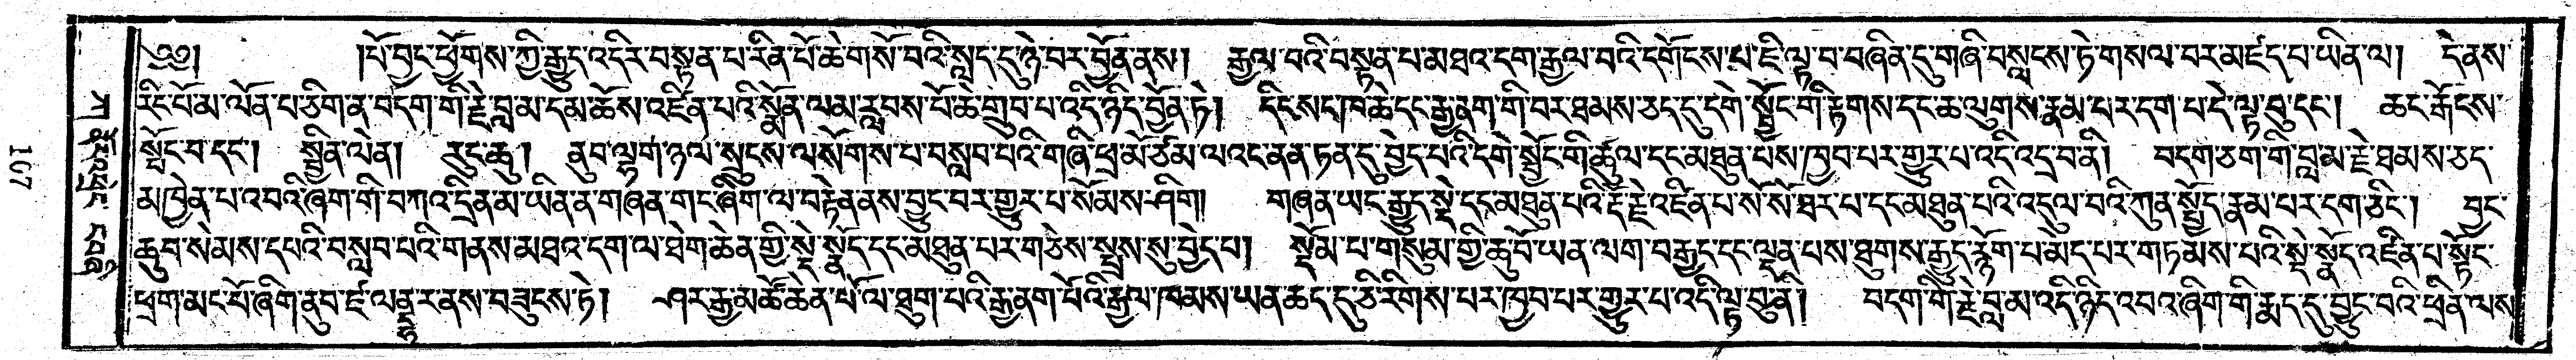༄༅། །པོ་བྱང་ཕྱོགས་ཀྱི་རྒྱུད་འདིར་བསྟན་པ་རིན་པོ་ཆེ་གསོ་བའི་སླད་དུ་ཉེ་བར་བྱོན་ནས། རྒྱལ་བའི་བསྟན་པ་མཐའ་དག་རྒྱལ་བའི་དགོངས་པ་ཇི་ལྟ་བ་བཞིན་དུ་གཞི་བསླངས་ཏེ་གསལ་བར་མཛད་པ་ཡིན་ལ། དེ་ནས་
རིང་པོ་མ་ལོན་པ་ཅིག་ན་བདག་གི་རྗེ་བླ་མ་དམ་ཆོས་འཛིན་པའི་སྨོན་ལམ་རླབས་པོ་ཆེ་གྲུབ་པ་འདི་ཉིད་བྱོན་ཏེ། དིང་སང་ཁ་ཆེ་དང་རྒྱ་ནག་གི་བར་ཐམས་ཅད་དུ་དགེ་སྦྱོང་གི་རྟགས་དང་ཆ་ལུགས་རྣམ་པར་དག་པ་དེ་ལྟ་བུ་དང་། ཆང་རྒོངས་
སྤོང་བ་དང་། སྦྱིན་ལེན། རུང་ཆུ། ནུབ་ལྷག་ཉལ་སྲུངས་ལ་སོགས་པ་བསླབ་པའི་གཞི་ཕྲ་མོ་ཙམ་ལའང་ནན་ཏན་དུ་བྱེད་པའི་དགེ་སྦྱོང་གི་ཚུལ་དང་མཐུན་པས་ཁྱབ་པར་གྱུར་པ་འདི་འདྲ་བ་ནི། བདག་ཅག་གི་བླ་མ་རྗེ་ཐམས་ཅད་
མཁྱེན་པ་འབའི་ཞག་གི་བཀའ་དྲིན་མ་ཡིན་ན་གཞན་གང་ཞིག་ལ་བརྟེན་ནས་བྱུང་བར་གྱུར་པ་སོམས་ཤིག། གཞན་ཡང་རྒྱུད་སྡེ་དང་མཐུན་པའི་རྡོ་རྗེ་འཛིན་པ་སོ་སོ་ཐར་པ་དང་མཐུན་པའི་འདུལ་བའི་ཀུན་སྤྱོད་རྣམ་པར་དག་ཅིང་། བྱང་
ཆུབ་སེམས་དཔའི་བསླབ་པའི་གནས་མཐའ་དག་ལ་ཐེག་ཆེན་གྱི་སྡེ་སྣོད་དང་མཐུན་པར་གཅེས་སྤྲས་སུ་བྱེད་པ། སྡོམ་པ་གསུམ་གྱི་ཆུ་བོ་ཡན་ལག་བརྒྱད་དང་ལྡན་པས་ཐུགས་རྒྱུད་རྙོག་པ་མེད་པར་གཏམས་པའི་སྡེ་སྣོད་འཛིན་པ་སྟོང་
ཕྲག་མང་པོ་ཞིག་ནུབ་ཛ་ལནྡྷ་ར་ནས་བཟུངས་ཏེ། ཤར་རྒྱ་མཚོ་ཆེན་པོ་ལ་ཐུག་པའི་རྒྱ་ནག་པོའི་རྒྱལ་ཁམས་ཡན་ཆད་དུ་ཅི་རིགས་པར་ཁྱབ་པར་གྱུར་པ་འདི་ལྟ་བུ་ནི། བདག་གི་རྗེ་བླ་མ་འདི་ཉིད་འབའ་ཞིག་གི་རྨད་དུ་བྱུང་བའི་ཕྲིན་ལས་